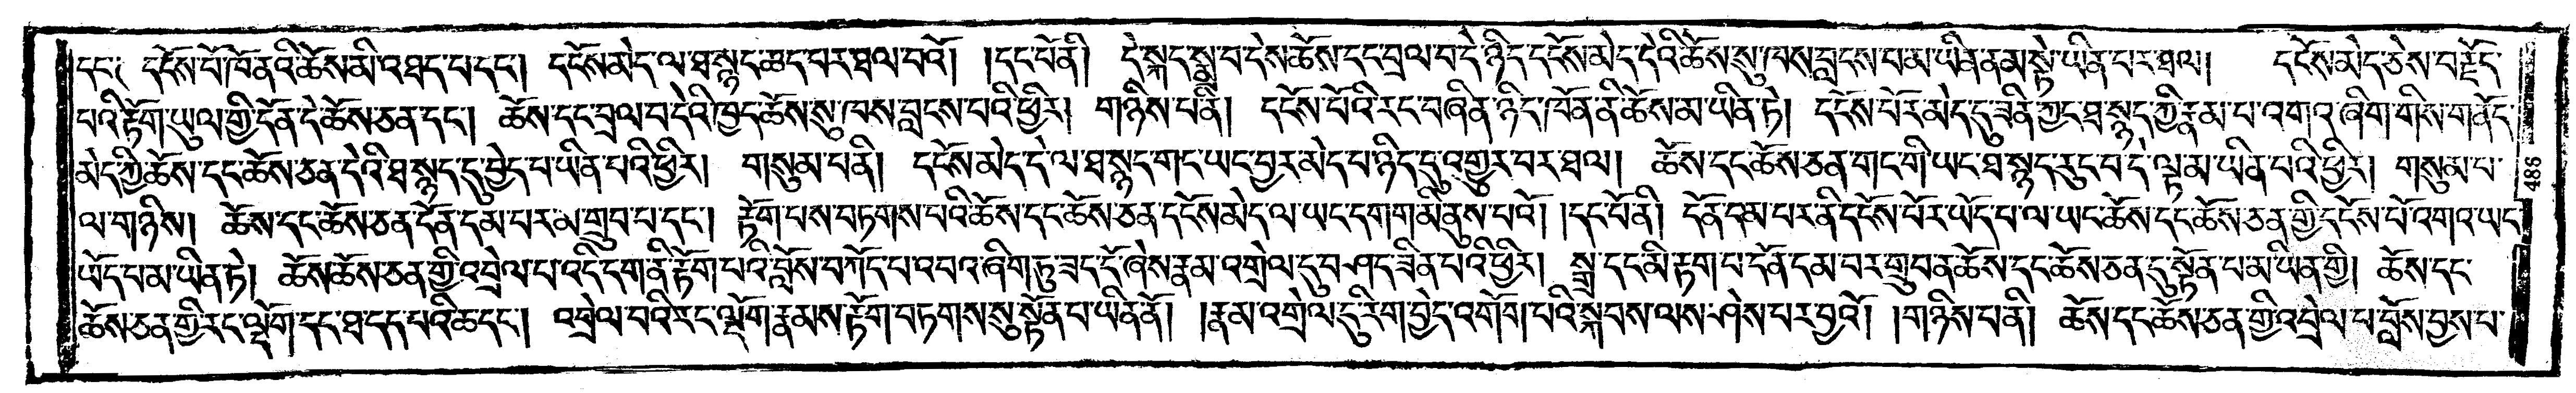དང༑ དངོས་པོ་ཁོ་ནའི་ཆོས་མི་འཐད་པ་དང་། དངོས་མེད་ལ་ཐ་སྙད་ཆད་པར་ཐལ་བའོ། །དང་པོ་ནི། དེ་སྐད་སྨྲ་བ་དེས་ཆོས་དང་བྲལ་བ་དེ་ཉིད་དངོས་མེད་དེའི་ཆོས་སུ་ཁས་བླངས་པ་མ་ཡིན་ནམ་སྟེ་ཡིན་པར་ཐལ། དངོས་མེད་ཅེས་བརྗོད་
པའི་རྟོག་ཡུལ་གྱི་དོན་དེ་ཆོས་ཅན་དང་། ཆོས་དང་བྲལ་བ་དེའི་ཁྱད་ཆོས་སུ་ཁས་བླངས་པའི་ཕྱིར། གཉིས་པ་ནི། དངོས་པོའི་རང་བཞིན་ཉིད་ཁོ་ན་ནི་ཆོས་མ་ཡིན་ཏེ། དངོས་པོར་མེད་དུ་ཟིན་ཀྱང་ཐ་སྙད་ཀྱི་རྣམ་པ་འགའ་ཞིག་གིས་གནོད་
མེད་ཀྱི་ཆོས་དང་ཆོས་ཅན་དེའི་ཐ་སྙད་དུ་བྱེད་པ་ཡིན་པའི་ཕྱིར། གསུམ་པ་ནི། དངོས་མེད་དེ་ལ་ཐ་སྙད་གང་ཡང་བྱར་མེད་པ་ཉིད་དུ་འགྱུར་བར་ཐལ། ཆོས་དང་ཆོས་ཅན་གང་གི་ཡང་ཐ་སྙད་རུང་བ་དེ་ལྟ་མ་ཡིན་པའི་ཕྱིར། གསུམ་པ་
ལ་གཉིས། ཆོས་དང་ཆོས་ཅན་དོན་དམ་པར་མ་གྲུབ་པ་དང་། རྟོག་པས་བཏགས་པའི་ཆོས་དང་ཆོས་ཅན་དངོས་མེད་ལ་ཡང་དགག་མི་ནུས་པའོ། །དང་པོ་ནི། དོན་དམ་པར་ནི་དངོས་པོར་ཡོད་པ་ལ་ཡང་ཆོས་དང་ཆོས་ཅན་གྱི་དངོས་པོ་འགའ་ཡང་
ཡོད་པ་མ་ཡིན་ཏེ། ཆོས་ཆོས་ཅན་གྱི་འབྲེལ་པ་འདི་དག་ནི་རྟོག་པའི་བློས་བཀོད་པ་འབའ་ཞིག་ཏུ་ཟད་དོ་ཞེས་རྣམ་འགྲེལ་དུ་བཤད་ཟིན་པའི་ཕྱིར། སྒྲ་དང་མི་རྟག་པ་དོན་དམ་བར་གྲུབ་ན་ཆོས་དང་ཆོས་ཅན་དུ་སྟོན་པ་མ་ཡིན་གྱི། ཆོས་དང་
ཆོས་ཅན་གྱི་རང་ལྡོག་དང་ཐ་དད་པའི་ཆ་དང་། འབྲེལ་བའི་རང་ལྡོག་རྣམས་རྟོག་བཏགས་སུ་སྟོན་པ་ཡིན་ནོ། །རྣམ་འགྲེལ་དུ་རིག་བྱེད་འགོག་པའི་སྐབས་ལས་ཤེས་པར་བྱའོ། །གཉིས་པ་ནི། ཆོས་དང་ཆོས་ཅན་གྱི་འབྲེལ་པ་བློས་བྱས་པ་